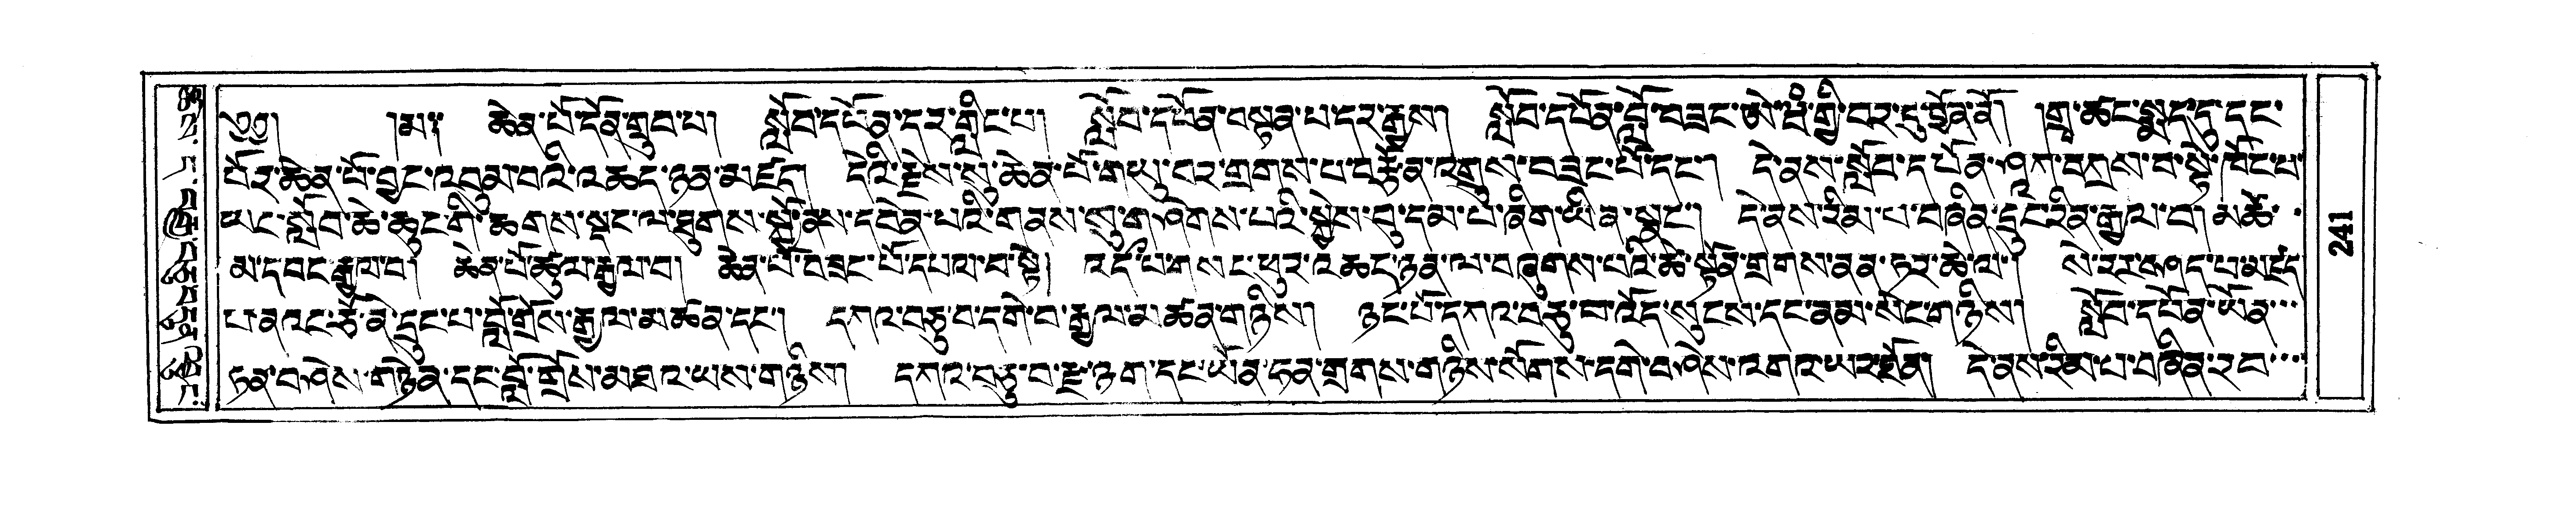༄༅། །མ༑ ཆེན་པོ་དོན་གྲུབ་པ། སློབ་དཔོན་དར་གླིང་པ། སློབ་དཔོན་བསྟན་པ་དར་རྒྱས། སློབ་དཔོན་བློ་བཟང་ཨེ་ཝཾ་གྱི་བར་དུ་བྱོན་ནོ། །གྲྭ་ཚང་སྨད་དུ་དང་
པོར་ཆེན་པོ་བྱང་འབུམ་བའི་འཆད་ཉན་མཛད། དེའི་རྗེས་སུ་ཆེན་པོ་གཡུ་བར་གྲགས་པ་བརྩོན་འགྲུས་བཟང་པོ་དང་། དེ་ནས་སློབ་དཔོན་ཤཱཀ་བཀྲས་བ་སྟེ་ཁོང་པ་
ཡང་སློབ་ཆེ་ཆུང་གི་ཆགས་སྡང་ལ་ཐུགས་སྐྱོ་ནས་དབེན་པའི་གནས་སུ་གཤེགས་པའི་སྐྱེས་བུ་དམ་པ་ཞིག་ཡིན་སྣང་། དེ་ནས་རིམ་པ་བཞིན་དྲུང་རིན་རྒྱལ་བ། མཚེ་
མ་དབང་རྒྱལ་བ། ཆེན་པོ་ཚུལ་རྒྱལ་བ། ཆེན་པོ་བཟང་པོ་དཔལ་བ་སྟེ། འདྀ་པ་གསང་ཕུར་འཆད་ཉན་ལ་བཞུགས་པའི་ཚེ་སྟོན་གྲགས་ནན་ཏར་ཆེ་ལ། སེ་རར་བཤད་པ་མཛད་
པ་ནའང་ཅོ་ནེ་དྲུང་པ་བློ་གྲོས་རྒྱལ་མཚན་དང་། དཀའ་བཅུ་བ་དགེ་བ་རྒྱལ་མཚན་གཉིས། ཉང་པོ་དཀའ་བཅུ་བ་འོད་སུངས་དང་ནམ་སེང་གཉིས། སློབ་དཔོན་ཡོན་
ཏན་བཤེས་གཉེན་དང་བློ་གྲོས་མཐའ་ཡས་གཉིས། དཀའ་བཅུ་བ་རྫ་ཉག་དང་ཡོན་ཧན་གྲགས་གཉིས་སོགས་དགེ་བཤེས་འགའ་ཡར་ཐོན། དེ་ནས་རིམ་པ་བཞིན་རབ་